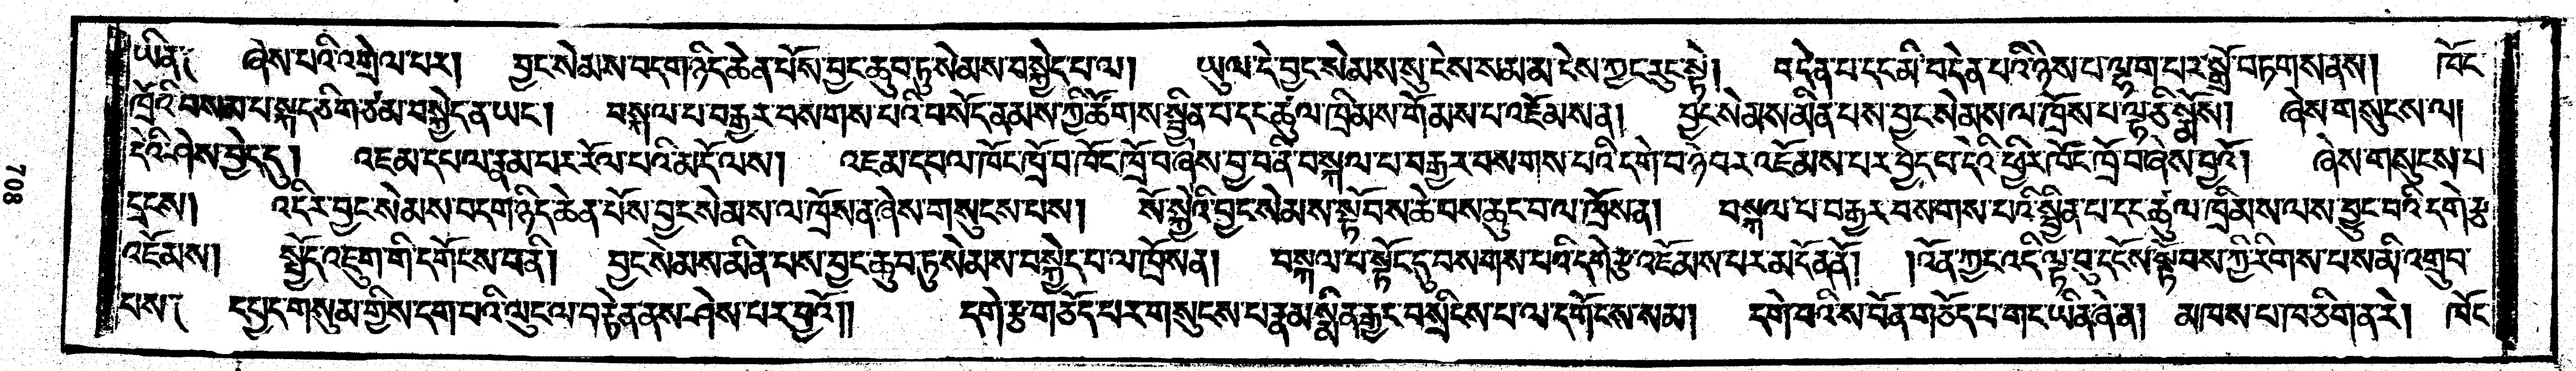ཡིན༑ ཞེས་པའི་འགྲེལ་པར། བྱང་སེམས་བདག་ཉིད་ཆེན་པོས་བྱང་ཆུབ་ཏུ་སེམས་བསྐྱེད་པ་ལ། ཡུལ་དེ་བྱང་སེམས་སུ་ངེས་སམ་མ་ངེས་ཀྱང་རུང་སྟེ། བདེན་པ་དང་མི་བདེན་པའི་ཉེས་པ་ལྷག་པར་སྒྲོ་བཏགས་ནས། ཁོང་
ཁྲོའི་བསམ་པ་སྐད་ཅིག་ཙམ་བསྐྱེད་ན་ཡང་། བསྐལ་པ་བརྒྱར་བསགས་པའི་བསོད་ནམས་ཀྱི་ཚོགས་སྦྱིན་པ་དང་ཚུལ་ཁྲིམས་གོམས་པ་འཇོམས་ན། བྱང་སེམས་མིན་པས་བྱང་སེམས་ལ་ཁྲོས་པ་ལྟ་ཅི་སྨོས། ཞེས་གསུངས་ལ།
དེའི་ཤེས་བྱེད་དུ། འཇམ་དཔལ་རྣམ་པར་རོལ་པའི་མདོ་ལས། འཇམ་དཔལ་ཁོང་ཁྲོ་བ་ཁོང་ཁྲོ་བ་ཞེས་བྱ་བ་ནི་བསྐལ་པ་བརྒྱར་བསགས་པའི་དགེ་བ་ཉེ་བར་འཇོམས་པར་བྱེད་པ་དེའི་ཕྱིར་ཁོང་ཁྲོ་བཞེས་བྱའོ། ཞེས་གསུངས་པ་
དྲངས། འདིར་བྱང་སེམས་བདག་ཉིད་ཆེན་པོས་བྱང་སེམས་ལ་ཁྲོས་ན་ཞེས་གསུངས་པས། སོ་སྐྱེའི་བྱང་སེམས་སྟོབས་ཆེ་བས་ཆུང་བ་ལ་ཁྲོས་ན། བསྐལ་པ་བརྒྱར་བསགས་པའི་སྦྱིན་པ་དང་ཚུལ་ཁྲིམས་ལས་བྱུང་བའི་དགེ་རྩ་
འཇོམས། སྤྱོད་འཇུག་གི་དགོངས་པ་ནི། བྱང་སེམས་མིན་པས་བྱང་ཆུབ་ཏུ་སེམས་བསྐྱེད་པ་ལ་ཁྲོས་ན། བསྐལ་པ་སྟོང་དུ་བསགས་པའི་དགེ་རྩ་འཇོམས་པར་མངོན་ནོ། །འོན་ཀྱང་འདི་ལྟ་བུ་དངོས་སྟོབས་ཀྱི་རིགས་པས་མི་འགྲུབ་
པས༑ དཔྱད་གསུམ་གྱིས་དག་པའི་ལུང་ལ་བརྟེན་ནས་ཤེས་པར་བྱའོ།། དགེ་རྩ་གཅོད་པར་གསུངས་པ་རྣམ་སྨིན་རྒྱང་བསྲིངས་པ་ལ་དགོངས་སམ། དགེ་བའི་ས་བོན་གཅོད་པ་གང་ཡིན་ཞེ་ན། མཁས་པ་ཁ་ཅིག་ན་རེ། ཁོང་